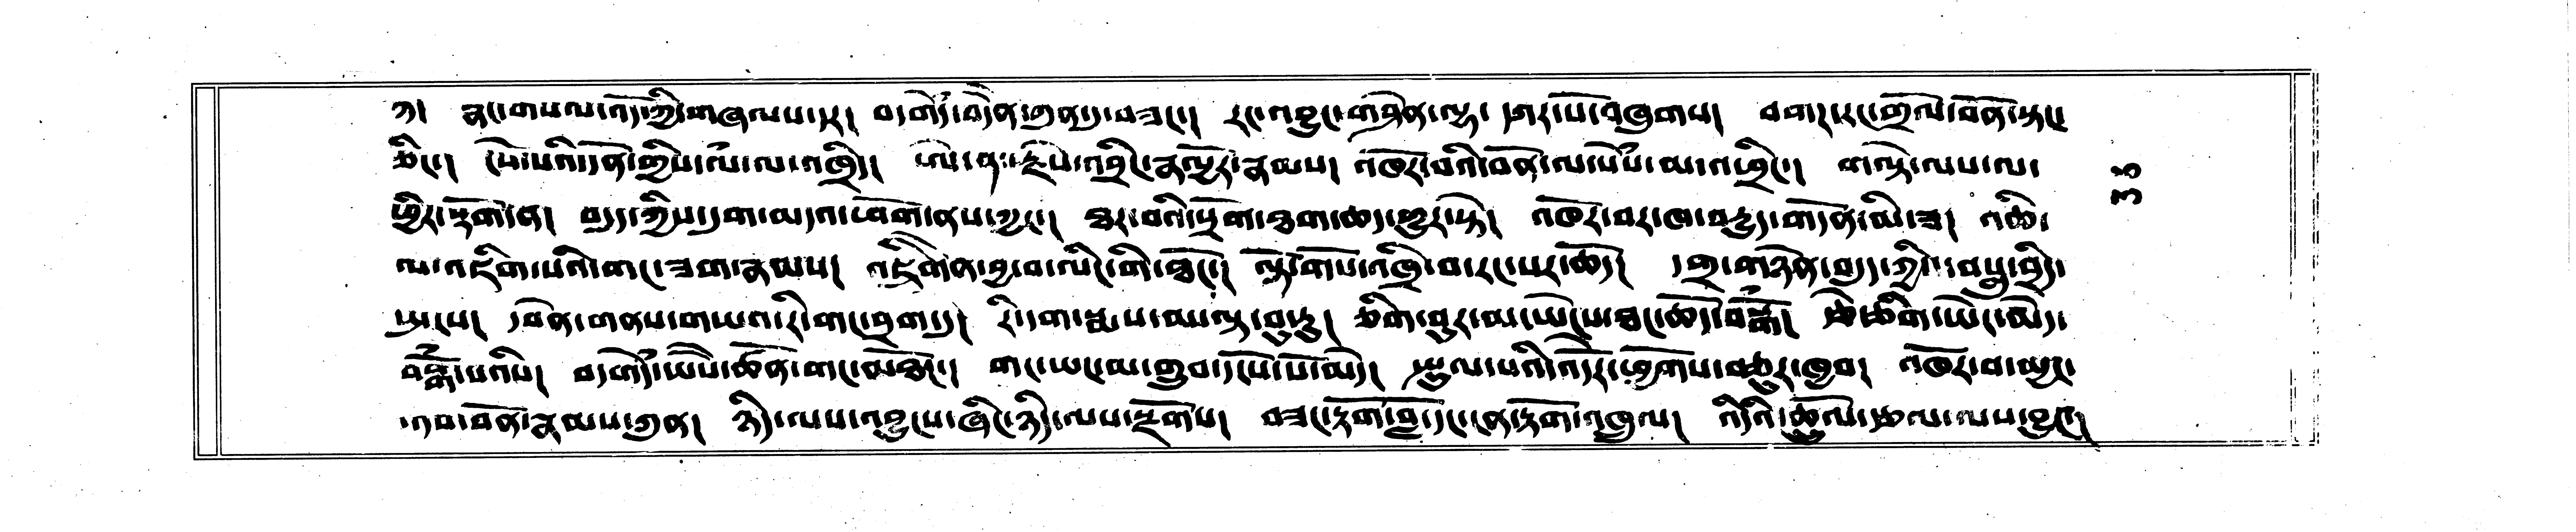ན། སྣང་གསལ་འོད་ཀྱི་གཞལ་ཡས་དར། བདག་མེད་བདེ་ཆེན་ཀུན་ཏུ་བཟང་། རང་བྱུང་གཤེན་ལྷ་དཀར་པོ་བཞུགས། བག་ཆགས་རང་གྲོལ་བོན་སྟོན་
ཅིང་། ངེས་པའི་དོན་གྱི་ལམ་ལ་འཁྲིད། ཨེ་མ་རྗེས་འབྲེང་རྣལ་འབྱོར་རྣམས། འཁོར་བའི་བོན་ལ་སེམས་མ་འཕྲིང་། གལ་ཏེ་ལས་ལ་
ཕྱིར་སྡོག་ན། བདུད་ཀྱིས་དུག་མདའ་ཕོག་ནས་ཀྱང་། ཐར་པའི་སྲོག་ཐག་ཆད་གྱུར་ཏེ། འཁོར་བར་ཁ་བརྒྱུད་གདོན་མི་ཟ། འཆི་
ལ་འཇིགས་པའི་གང་ཟག་རྣམས། འཇིག་རྟེན་བྱ་བ་ལིང་གིས་ཐོང་། ལྟོ་གོས་འཁྲི་བ་རང་སར་ཆོད། དགྲ་གཉེན་བདུད་ཀྱི་བསླུ་བྲིད་
སྤང་། དབེན་གནས་གཡའ་རི་གངས་བྲག་ཏུ། རི་དྭགས་སྨས་མ་ལྟ་བུ་རུ། ཅིག་པུར་མ་ཡེངས་ཐང་ཆོད་བསྒོམ། རྩེ་གཅིག་ཡེངས་མེད་
བསྒོམ་པ་ཡིས། བདག་མེད་ཡེ་ཤེས་ཚོན་གང་ཐང་། གང་ཡང་མ་གྲུབ་དངོས་པོ་མེད། སྤྲུལ་པའི་འོད་ཟེར་ཕྱོགས་བ་བཅུར་ཁྱབ། འཁོར་བ་མྱང་
འདས་བོན་རྣམས་ཀུན། ཉིད་ལས་འབྱུང་ཞིང་ཉིད་ལས་རྫོགས། བཟང་རྟོག་བློ་དང་ངན་རྟོག་འཁྲུལ། འདིའི་ཆོ་འཕྲུལ་རྩལ་ལས་བྱུང་།